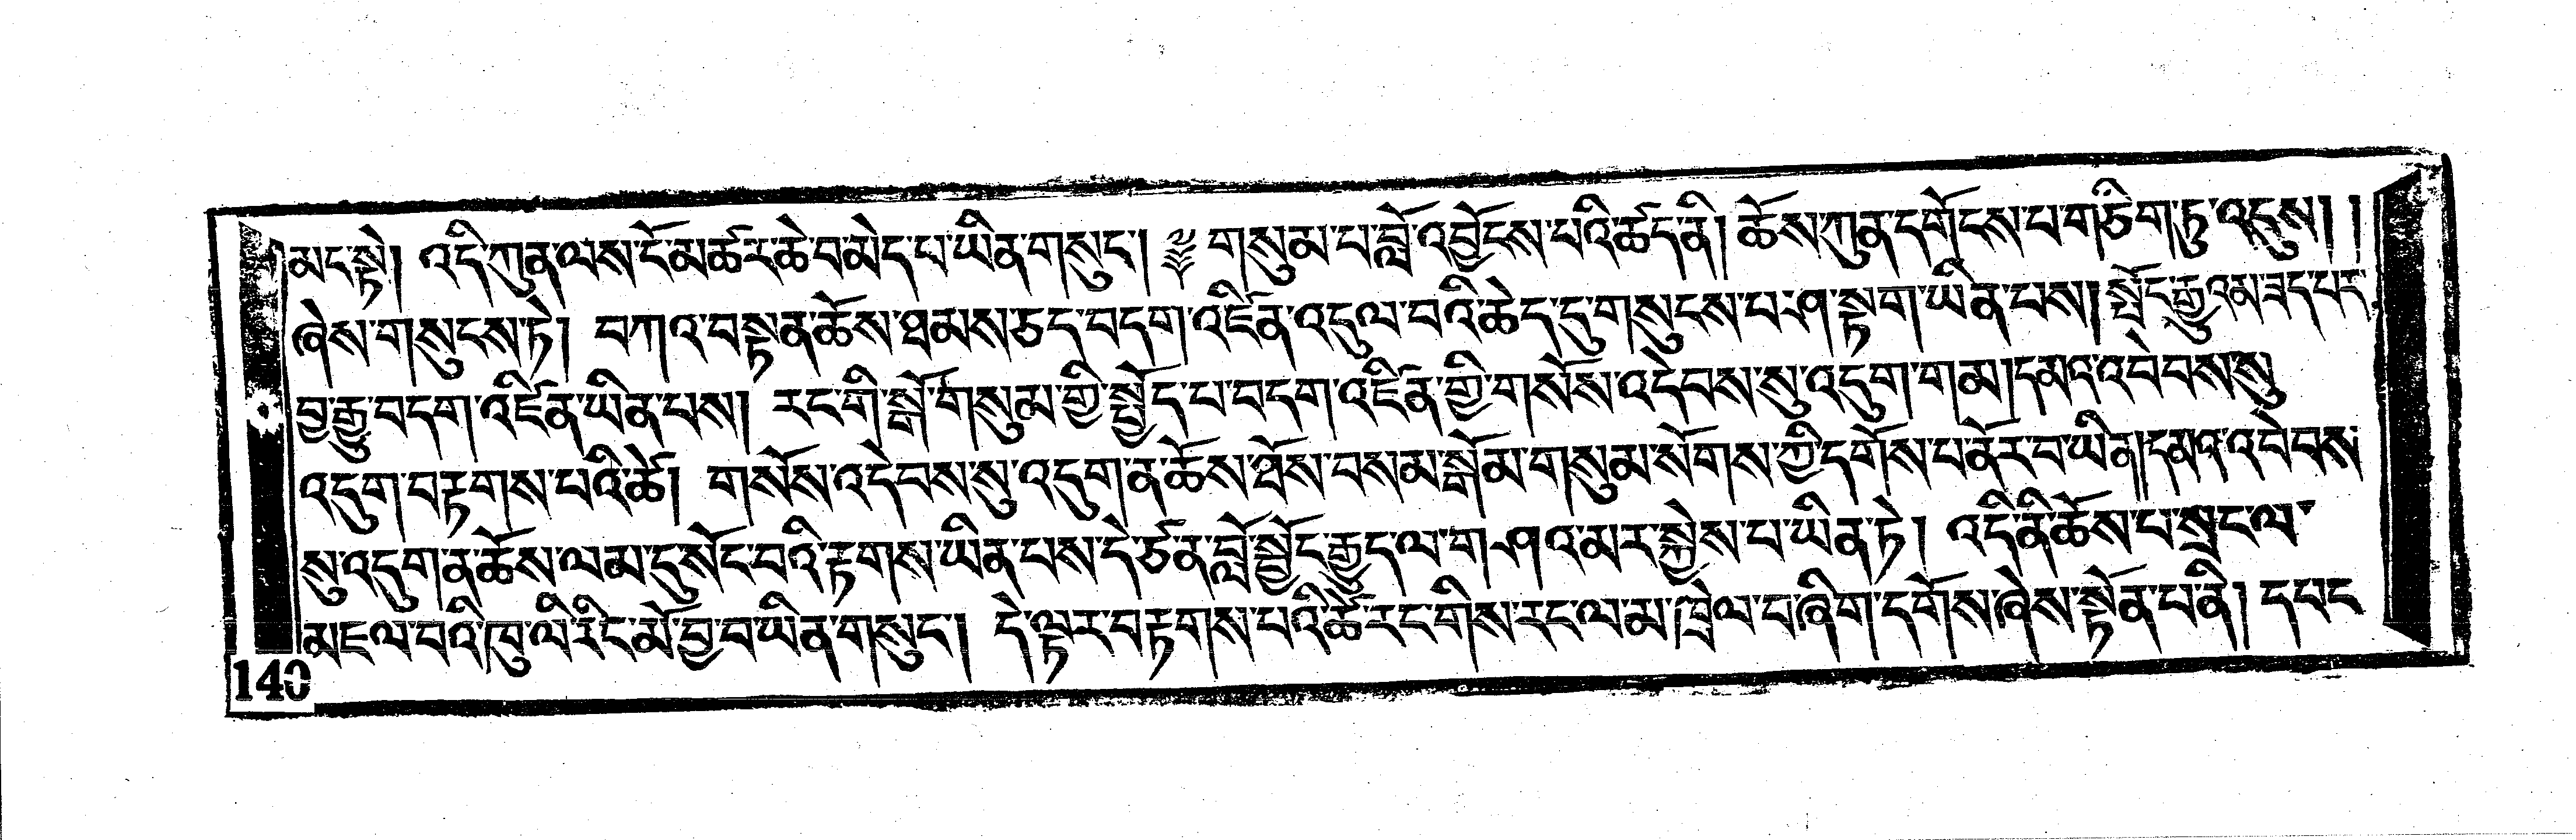མང་སྟེ། འདི་ཀུན་ལས་ངོ་མཚར་ཆེ་བ་མེད་པ་ཡིན་གསུང་། ༈ གསུམ་པ་བློ་འབྱོངས་པའི་ཚད་ནི། ཆོས་ཀུན་དགོངས་པ་གཅིག་ཏུ་འདུས། །
ཞེས་གསུངས་ཏེ། བཀའ་བསྟན་ཆོས་ཐམས་ཅད་བདག་འཛིན་འདུལ་བའི་ཆེད་དུ་གསུངས་པ་ཤ་སྟག་ཡིན་པས། སྤོང་རྒྱུའམ་ཟད་པར་
བྱ་རྒྱུ་བདག་འཛིན་ཡིན་པས། རང་གི་སྒོ་གསུམ་གྱི་སྤྱོད་པ་བདག་འཛིན་གྱི་གསོས་འདེབས་སུ་འདུག་གམ། དམའ་འབེབས་སུ་
འདུག་བརྟགས་པའི་ཚེ། གསོས་འདེབས་སུ་འདུག་ན་ཆོས་ཐོས་བསམ་སྒོམ་གསུམ་སོགས་ཀྱི་དགོས་པ་ནོར་བ་ཡིན། དམའ་འབེབས་
སུ་འདུག་ན་ཆོས་ལམ་དུ་སོང་བའི་རྟགས་ཡིན་པས་དེ་ཙ་ན་བློ་སྦྱོང་རྒྱུད་ལ་གཤའ་མར་སྐྱེས་པ་ཡིན་ཏེ། འདི་ནི་ཆོས་པ་སྲང་ལ་
མཇལ་བའི་ཁུ་ལི་རིང་མོ་བྱ་བ་ཡིན་གསུང་། དེ་ལྟར་བརྟགས་པའི་ཚེ་རང་གིས་རང་ལམ་ཁྲེལ་བ་ཞིག་དགོས་ཞེས་སྟོན་པ་ནི། དབང་